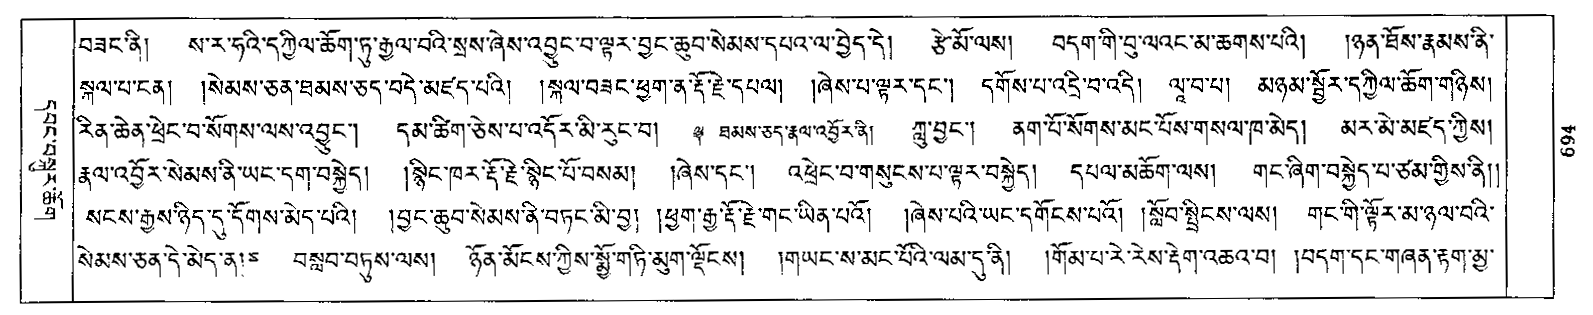བཟང་ནི། ས་ར་ཧའི་དཀྱིལ་ཆོག་ཏུ་རྒྱལ་བའི་སྲས་ཞེས་འབྱུང་བ་ལྟར་བྱང་ཆུབ་སེམས་དཔའ་ལ་བྱེད་དེ། རྩེ་མོ་ལས། བདག་གི་བུ་ལའང་མ་ཆགས་པའི། །ཉན་ཐོས་རྣམས་ནི་
སྐལ་པ་ངན། །སེམས་ཅན་ཐམས་ཅད་བདེ་མཛད་པའི། །སྐལ་བཟང་ཕྱག་ན་རྡོ་རྗེ་དཔལ། །ཞེས་པ་ལྟར་དང་། དགོས་པ་འདྲི་བ་འདི། ལཱ་བ་པ། མཉམ་སྦྱོར་དཀྱིལ་ཆོག་གཉིས།
རིན་ཆེན་ཕྲེང་བ་སོགས་ལས་འབྱུང་། དམ་ཚིག་ཅེས་པ་འདོར་མི་རུང་བ། ༈ ཐམས་ཅད་རྣལ་འབྱོར་ནི། ཀླུ་བྱང་། ནག་པོ་སོགས་མང་པོས་གསལ་ཁ་མེད། མར་མེ་མཛད་ཀྱིས།
རྣལ་འབྱོར་སེམས་ནི་ཡང་དག་བསྐྱེད། །སྙིང་ཁར་རྡོ་རྗེ་སྙིང་པོ་བསམ། །ཞེས་དང་། འཕྲེང་བ་གསུངས་པ་ལྟར་བསྐྱེད། དཔལ་མཆོག་ལས། གང་ཞིག་བསྐྱེད་པ་ཙམ་གྱིས་ནི།།
སངས་རྒྱས་ཉིད་དུ་དོགས་མེད་པའི། །བྱང་ཆུབ་སེམས་ནི་བཏང་མི་བྱ། །ཕྱག་རྒྱ་རྡོ་རྗེ་གང་ཡིན་པའོ། །ཞེས་པའི་ཡང་དགོངས་པའོ། །སློབ་སྤྲིངས་ལས། གང་གི་ལྟོར་མ་ཉལ་བའི་
སེམས་ཅན་དེ་མེད་ན། ྾་བསླབ་བཏུས་ལས། ཉོན་མོངས་ཀྱིས་སྨྱོ་གཏི་མུག་ལྡོངས། །གཡང་ས་མང་པོའི་ལམ་དུ་ནི། །གོམ་པ་རེ་རེས་རྡེག་འཆའ་བ། །བདག་དང་གཞན་རྟག་མྱ་